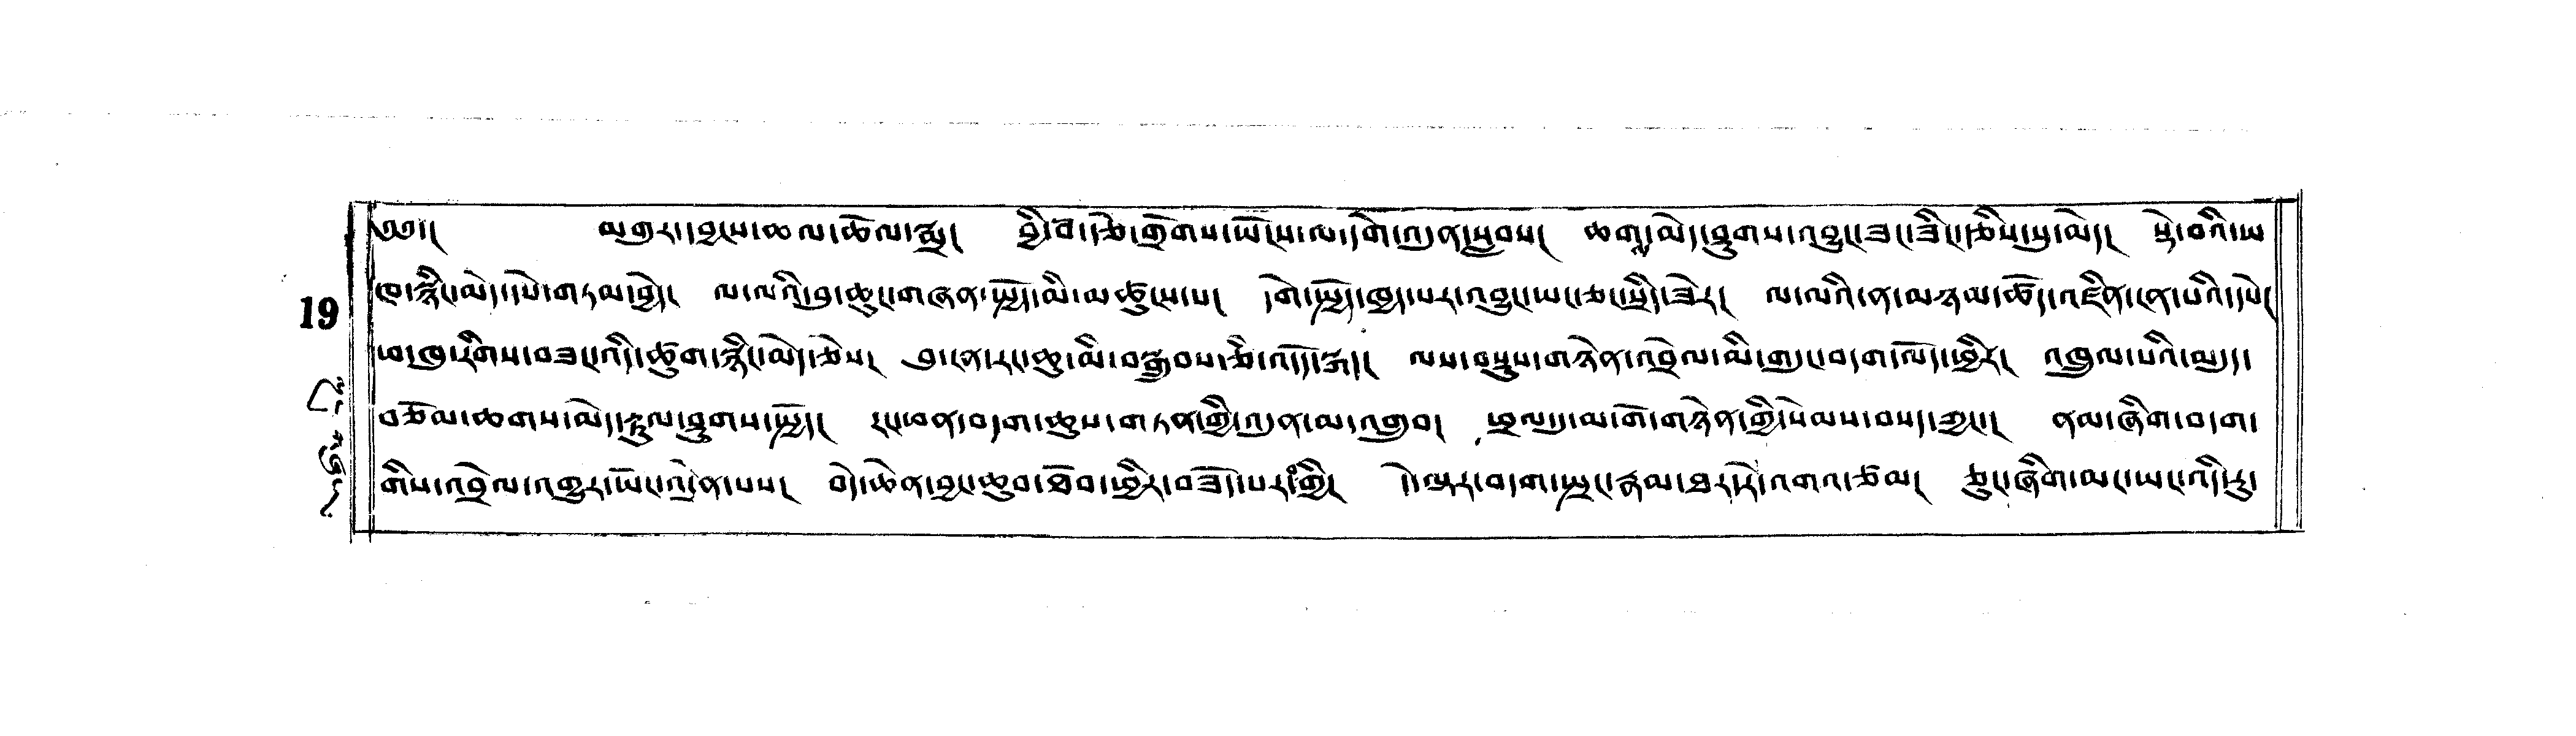མགུར་དབྱངས་ཆལ་ཆོལ་སྨྲ། བྱི་སྦ་རྩེ་གྲོགས་ཡོངས་ལ་དགེ་འདུན་བསླབས། ཆགས་མེད་ཤུགས་འབྱུང་ཟང་ཟིང་རྩིས་སུ་མེད། སྡེ་པའི་ཡ་
ཀ་སྙིང་མེད་དཔེ་གཏམ་བྱེད། ལ་ལའི་བུ་ཆུང་གཞན་སྤྱོད་མི་མཚུངས་པ། དགེ་སྤྱོད་ཁྱད་པར་འབྱུང་ཡང་ཅང་སྲིད་ཟེར། ལ་ལའི་ན་མཉམ་ཚོད་འཛིན་ངན་པའི་དཔེ། 
ཕ་ཁུ་རིགས་བཟང་འདི་ཚུག་སྙིང་མེད་ཅེས། བུ་ངན་རང་ཆུ་མི་བསྒྲུབ་ཅི་འདོད་སྐད། ལས་བསྡུས་གཉེན་འབྲེལ་མི་གདུང་བདག་ལོད་ཕྱིར། འཁྲུལ་པའི་བདུད་
བཅོམ་ཆགས་མེད་རྟུལ་ཞུགས་སྤྱོད། རང་ཕན་བདག་ཆུས་གཏན་གྱི་འདུན་མ་འགྲུབ། འཕྲལ་དུ་མ་གོ་གཉན་གྱི་སེམས་བསད་ཀྱང་། ནམ་ཞིག་བདག་
གི་འབྲེལ་འགྱུར་ཡོང་འདྲེན་པས། བདེ་ཆེན་བྱང་ཆུབ་ཐོབ་ཕྱིར་བཟོད་པར་བགྱི། དེ་ལྟར་བདག་སྤྲང་རྣམ་ཐར་རེ་འགའ་ཙམ། ཅུང་ཞིག་མང་ཡང་འདི་རུ་